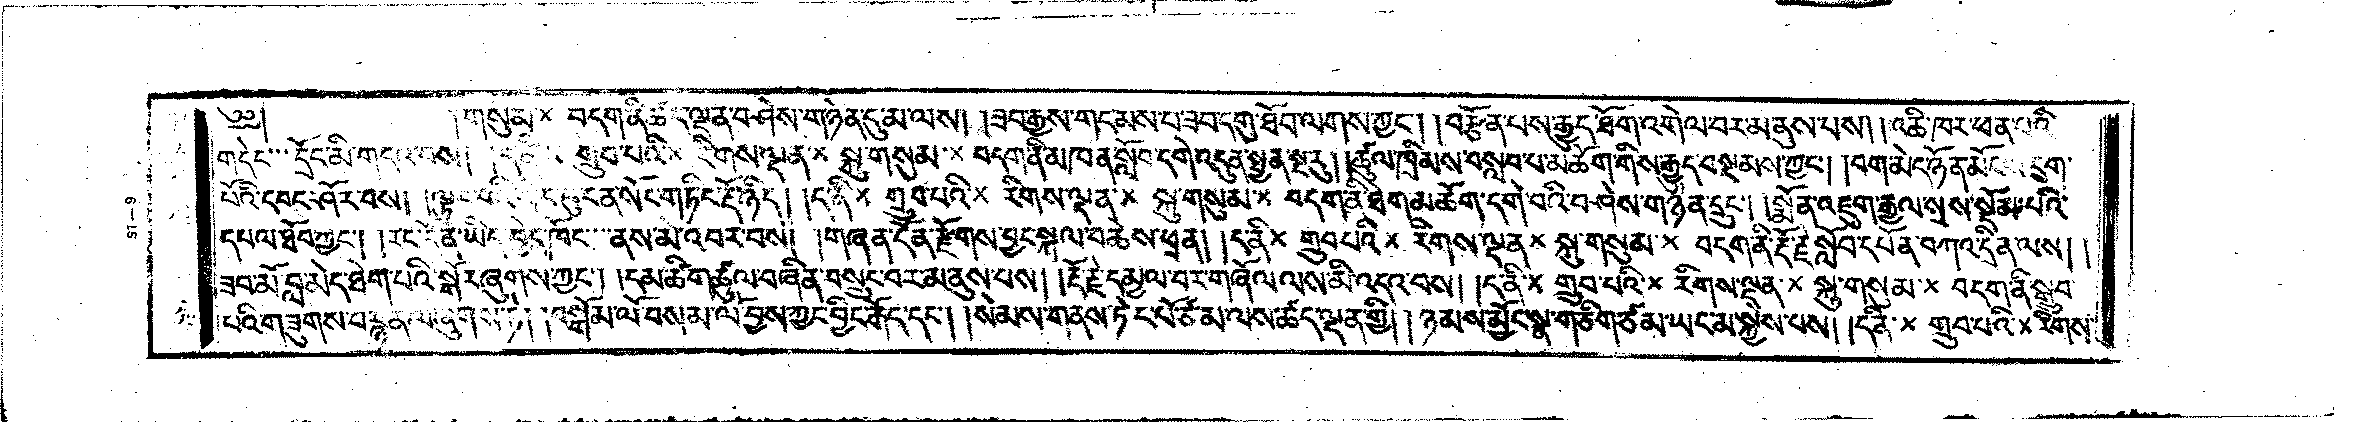༄༅། །གསུམ་྾་བདག་ནི་ཚད་ལྡན་བཤེས་གཉེན་དུ་མ་ལས། །ཟབ་རྒྱས་གདམས་པ་ཟབ་དགུ་ཐོབ་ལགས་ཀྱང་། །བརྩོན་པས་རྒྱུད་ཐོག་འགེལ་པར་མ་ནུས་པས། །འཆི་ཁར་ཕན་པའི་
གདེང་དྲོང་མི་གདའ་བས། །ད་ནི་྾་གྲུབ་པའི་྾་རིགས་ལྡན་྾་སྐུ་གསུམ་྾་བདག་ནི་མཁན་སློབ་དགེ་འདུན་སྤྱན་སྔ་རུ། །ཚུལ་ཁྲིམས་བསླབ་པ་མཆོག་གིས་རྒྱུད་བསྔམས་ཀྱང་། །བག་མེད་ཉོན་མོངས་དྲག་
པོའི་དབང་ཤོར་བས། །ལྟུང་བའི་གོང་བུ་ངན་སོང་གཏིང་རྡོ་ཉིད། །ད་ནི་྾་གྲུབ་པའི་྾་རིགས་ལྡན་྾་སྐུ་གསུམ་྾་བདག་ནི་ཐེག་མཆོག་དགེ་བའི་བཤེས་གཉེན་དྲུང་། །སྨོན་འཇུག་རྒྱལ་སྲས་སྡོམ་པའི་
དཔལ་ཐོབ་ཀྱང་། །རང་དོན་ཡིད་བྱེད་ཁོང་ནས་མེ་འབར་བས། །གཞན་དོན་རྫོགས་བྱང་སྐལ་བ་ཆོས་ཕྲན། །ད་ནི་྾་གྲུབ་པའི་྾་རིགས་ལྡན་྾་སྐུ་གསུམ་྾་བདག་ནི་རྡོ་རྗེ་སློབ་དཔོན་བཀའ་དྲིན་ལས། །
ཟབ་མོ་བླ་མེད་ཐེག་པའི་སྒོར་ཞུགས་ཀྱང་། །དམ་ཚིག་ཚུལ་བཞིན་བསྲུང་བར་མ་ནུས་པས། །རྡོ་རྗེ་དམྱལ་བར་གཞོལ་ལས་མི་འདའ་བས། །ད་ནི་྾་གྲུབ་པའི་྾་རིགས་ལྡན་྾་སྐུ་གསུམ་྾་བདག་ནི་སྒྲུབ་
པའི་གཟུགས་བརྙན་ལ་ཞུགས་ཏེ། །བསྒོམ་ལོ་བསམ་ལོ་བྱས་ཀྱང་བྱིན་རྒོད་དང་། །སེམས་གནས་ཏེང་པོ་ཙ་མ་ལས་ཚད་ལྡན་གྱི། །ཉམས་མྱོང་སྣ་གཅིག་ཙམ་ཡང་མ་སྐྱེས་པས། །དེ་ནི་྾་གྲུབ་པའི་྾་རིགས་